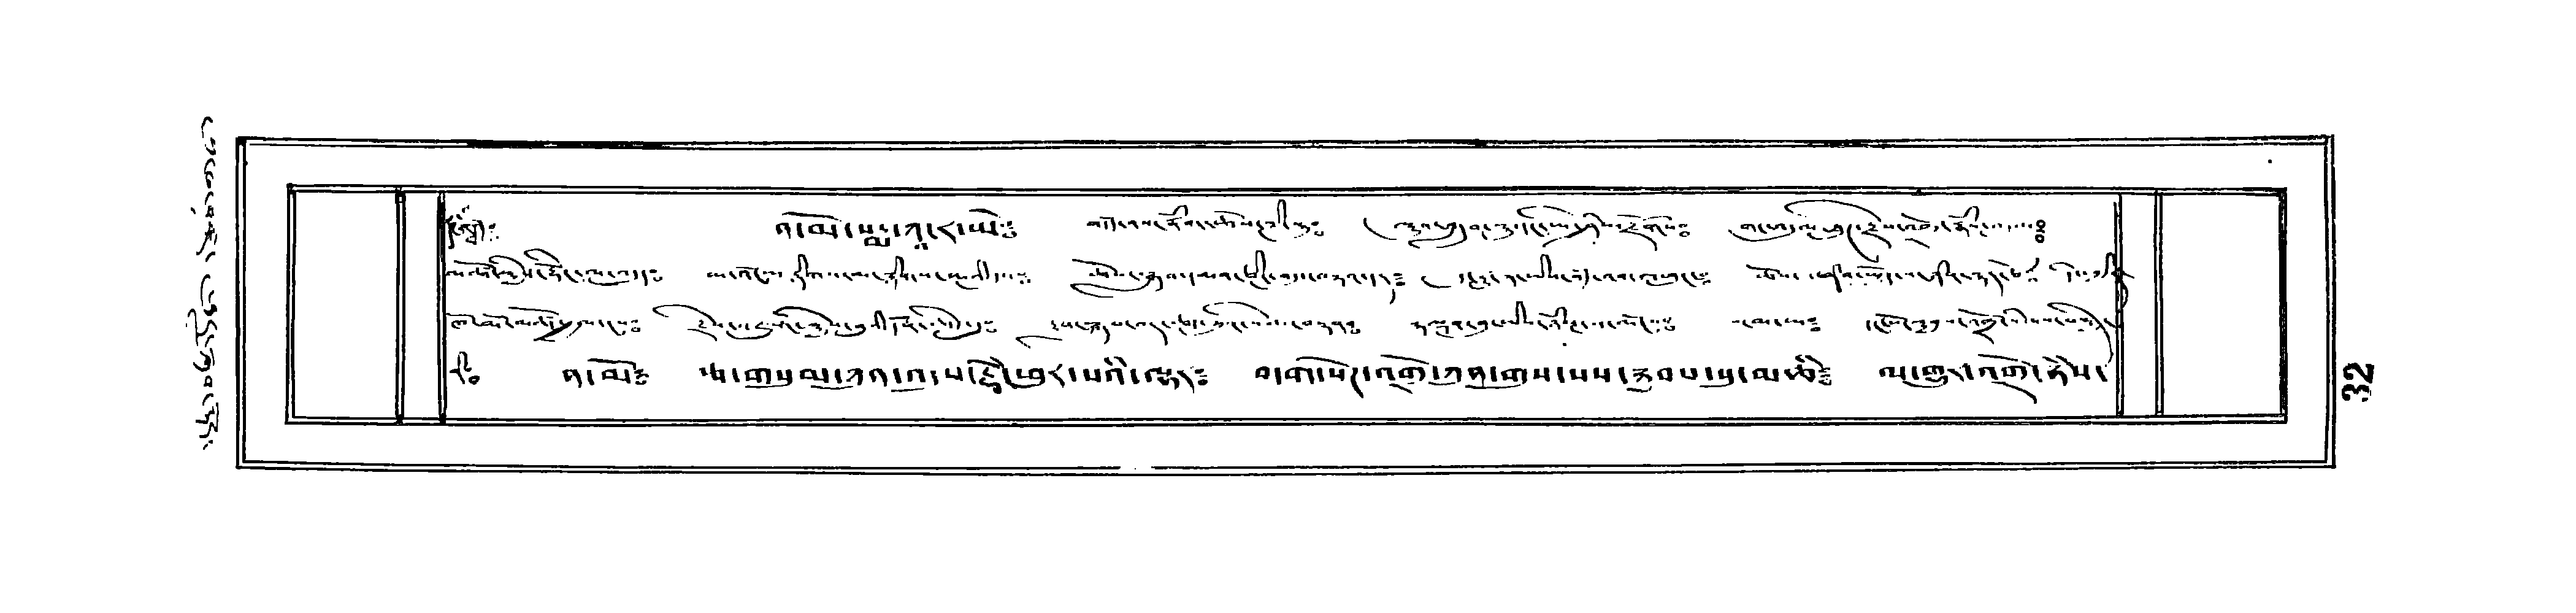ན་མོ་པདྨ་ཀཱ་ར་ཡེ༔ གདོད་ནས་རྣམ་དག་ཆོས་ཀྱི་སྐུ༔ ལྷུན་གྲུབ་སྐུ་དང་ཡེ་ཤེས་རྫོགས༔ གང་འདུལ་ཐུགས་རྗེས་འགྲོ་རྣམས་འདུལ༔ 
མཚོ་སྐྱེས་རྡོ་རྗེ་འཆད་ལ་འདུད༔ མ་འོངས་སྙིགས་མ་སྙིགས་མའི་དུས༔ ཆོས་སྒྲུབ་དམན་ཅིང་བདུད་བསྟན་དར༔ དུ་རུ་ཀ་ཡིས་བོད་འབངས་ཕུང༔ ཆོས་བཞིན་སྤྱོད་པ་ཉིན་སྐར་ཙམ༔ དེ་ཕྱིར་
ཁོ་མོ་མཚོ་རྒྱལ་ངས༔ རྗེས་འཇུག་སྐྱེས་བུའི་དོན་ཆེད་དུ༔ ཟབ་སྒྲུབ་བར་ཆད་ཀུན་སེལ་བསྟན༔ སྐལ་ལྡན་བུ་ཡིས་ཉམས་སུ་ལོངས༔ ས་མ་ཡ༔ དང་པོ་སྐྱབས་འགྲོ་སེམས་བསྐྱེད་
ནི༔ ན་མོ༔ རྩ་གསུམ་ཀུན་འདུས་རྡོ་རྗེ་ཕུར་པའི་ལྷར༔ བདག་སོགས་འགྲོ་ཀུན་གུས་པས་སྐྱབས་སུ་མཆི༔ མ་གྱུར་འགྲོ་རྣམས་